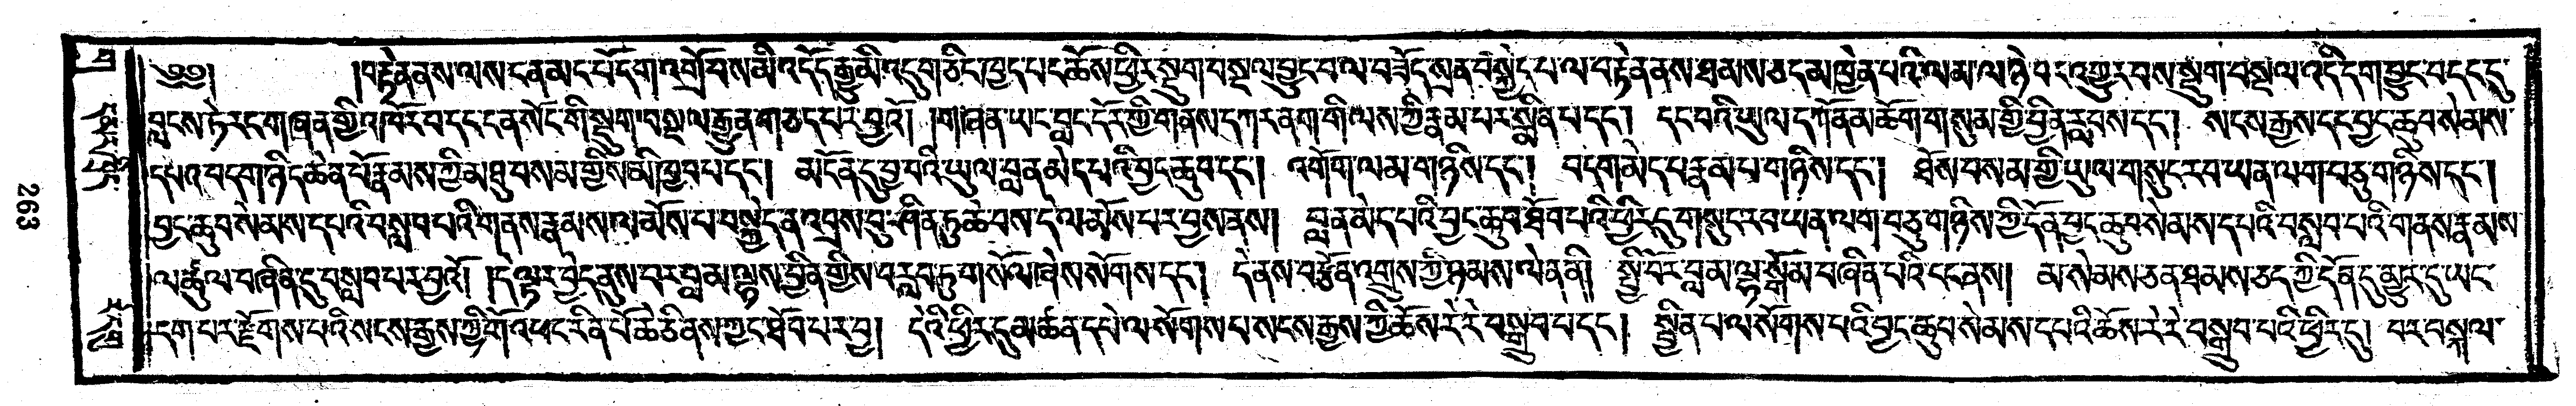༄༅། །བརྟེན་ནས་ལས་ངན་མང་པོ་དག་འགྲོ་བས་མི་འདོད་རྒྱུ་མི་འདུག་ཅིང་ཁྱད་པར་ཆོས་ཕྱིར་སྡུག་བསྔལ་བྱུང་བ་ལ་བཟོད་སྲན་བསྐྱེད་པ་ལ་བརྟེན་ནས་ཐམས་ཅད་མཁྱེན་པའི་ལམ་ལ་ཉེ་བར་འགྱུར་བས་སྡུག་བསྔལ་འདི་དག་བྱུང་བ་དང་དུ་
བླངས་ཏེ་རང་གཞན་གྱི་འཁོར་བ་དང་ངན་སོང་གི་སྡུག་བསྔལ་རྒྱུན་གཅད་པར་བྱའོ། །གཞན་ཡང་བླང་དོར་གྱི་གནས་དཀར་ནག་གི་ལས་ཀྱི་རྣམ་པར་སྨིན་པ་དང་། དང་བའི་ཡུལ་དཀོན་མཆོག་གསུམ་གྱི་བྱིན་རླབས་དང་། སངས་རྒྱས་དང་བྱང་ཆུབ་སེམས་
དཔའ་བདག་ཉིད་ཆེན་པོ་རྣམས་ཀྱི་མཐུ་བསམ་གྱིས་མི་ཁྱབ་པ་དང་། མངོན་དུ་བྱ་བའི་ཡུལ་བླ་ན་མེད་པའི་བྱང་ཆུབ་དང་། འགོག་ལམ་གཉིས་དང་། བདག་མེད་པ་རྣམ་པ་གཉིས་དང་། ཐོས་བསམ་གྱི་ཡུལ་གསུང་རབ་ཡན་ལག་བཅུ་གཉིས་དང་།
བྱང་ཆུབ་སེམས་དཔའི་བསླབ་པའི་གནས་རྣམས་ལ་མོས་པ་བསྐྱེད་ན་འབྲས་བུ་ཤིན་ཏུ་ཆེ་བས་དེ་ལ་མོས་པར་བྱས་ནས། བླ་ན་མེད་པའི་བྱང་ཆུབ་ཐོབ་པའི་ཕྱིར་དུ་གསུང་རབ་ཡན་ལག་བཅུ་གཉིས་ཀྱི་དོན་བྱང་ཆུབ་སེམས་དཔའི་བསླབ་པའི་གནས་རྣམས་
ལ་ཚུལ་བཞིན་དུ་བསླབ་པར་བྱའོ། །དེ་ལྟར་བྱེད་ནུས་བར་བླ་མ་ལྷས་བྱིན་གྱིས་བརླབ་ཏུ་གསོལ་ཞེས་སོགས་དང་། དེ་ནས་བརྩོན་འགྲུས་ཀྱི་ཉམས་ལེན་ནི། སྤྱི་བོར་བླ་མ་ལྷ་སྒོམ་བཞིན་པའི་ངང་ནས། མ་སེམས་ཅན་ཐམས་ཅད་ཀྱི་དོན་དུ་མྱུར་དུ་ཡང་
དག་པར་རྫོགས་པའི་སངས་རྒྱས་ཀྱི་གོ་འཕང་རིན་པོ་ཆེ་ཅི་ནས་ཀྱང་ཐོབ་པར་བྱ། དེའི་ཕྱིར་དུ་མཚན་དཔེ་ལ་སོགས་པ་སངས་རྒྱས་ཀྱི་ཆོས་རེ་རེ་བསྒྲུབ་པ་དང་། སྦྱིན་པ་ལ་སོགས་པའི་བྱང་ཆུབ་སེམས་དཔའི་ཆོས་རེ་རེ་བསྒྲུབ་པའི་ཕྱིར་དུ། བར་བསྐལ་